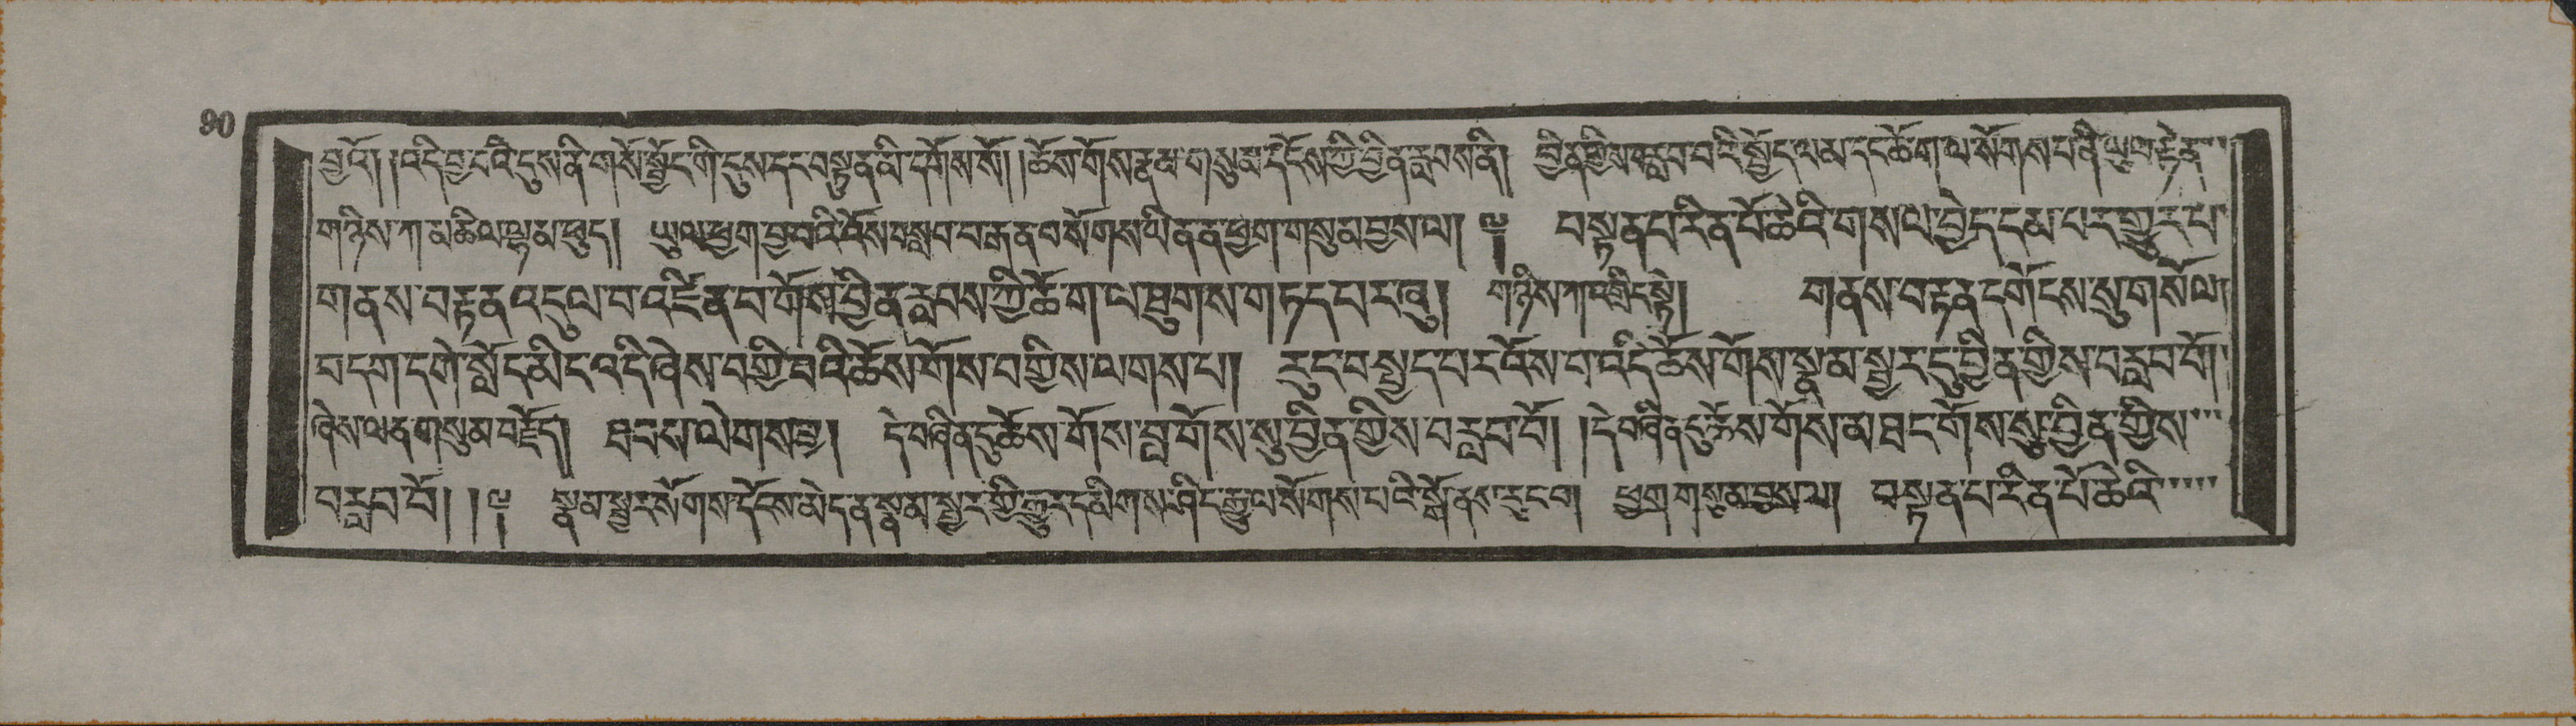བྱའོ། །འདི་བྱ་བའི་དུས་ནི་གསོ་སྦྱོང་གི་དུས་དང་བསྟུན་མི་དགོས་སོ། །ཆོས་གོས་རྣམ་གསུམ་དངོས་ཀྱི་བྱིན་རླབས་ནི། གྱིན་གྱིས་བརླབ་པའི་སྤྱོད་ལམ་དང་ཆོ་ག་ལ་སོགས་པ་ནི་ཡུལ་རྟེན་
གཉིས་ཀ་མཆིལ་ལྷམ་ཕུད། ཡུལ་ཕྱག་བྱ་བའི་འོས་བསླབ་པ་རྒན་པ་སོགས་ཡིན་ན་ཕྱག་གསུམ་བྱས་ལ། ༈ བསྟན་པ་རིན་པོ་ཆེའི་གསལ་བྱེད་དམ་པར་གྱུར་པ་
གནས་བརྟན་འདུལ་བ་འཛིན་པ་གོས་བྱིན་རླབས་ཀྱི་ཆོ་ག་ལ་ཐུགས་གཏད་པར་ཞུ། གཉིས་ཀ་འགྲིང་སྟེ།  གནས་བརྟན་དགོངས་སུ་གསོལ།
བདག་དགེ་སློང་མིང་འདི་ཞེས་བགྱི་བའི་ཆོས་གོས་བགྱིས་ལགས་པ། རུང་བ་སྤྱད་པར་འོས་པ་འདི་ཆོས་གོས་སྣམ་སྦྱར་དུ་བྱིན་གྱིས་བརླབ་བོ། །
ཞེས་ལན་གསུམ་བརྗོད།  ཐབས་ལེགས་བྱ། དེ་བཞིན་དུ་ཆོས་གོས་བླ་གོས་སུ་བྱིན་གྱིས་བརླབ་བོ། །དེ་བཞིན་དུ་ཆོས་གོས་མཐང་གོས་སུ་བྱིན་གྱིས་
བརླབ་བོ། ། ༈ སྣམ་སྦྱར་སོགས་དངོས་མེད་ན་སྣམ་སྦྱར་གྱི་རྒྱུར་དམིགས་ཤིང་རྒྱུ་ལ་སོགས་པའི་སྒོ་ནས་རུང་བ། ཕྱག་གསུམ་བྱས་ལ།  བསྟན་པ་རིན་པོ་ཆེའི་